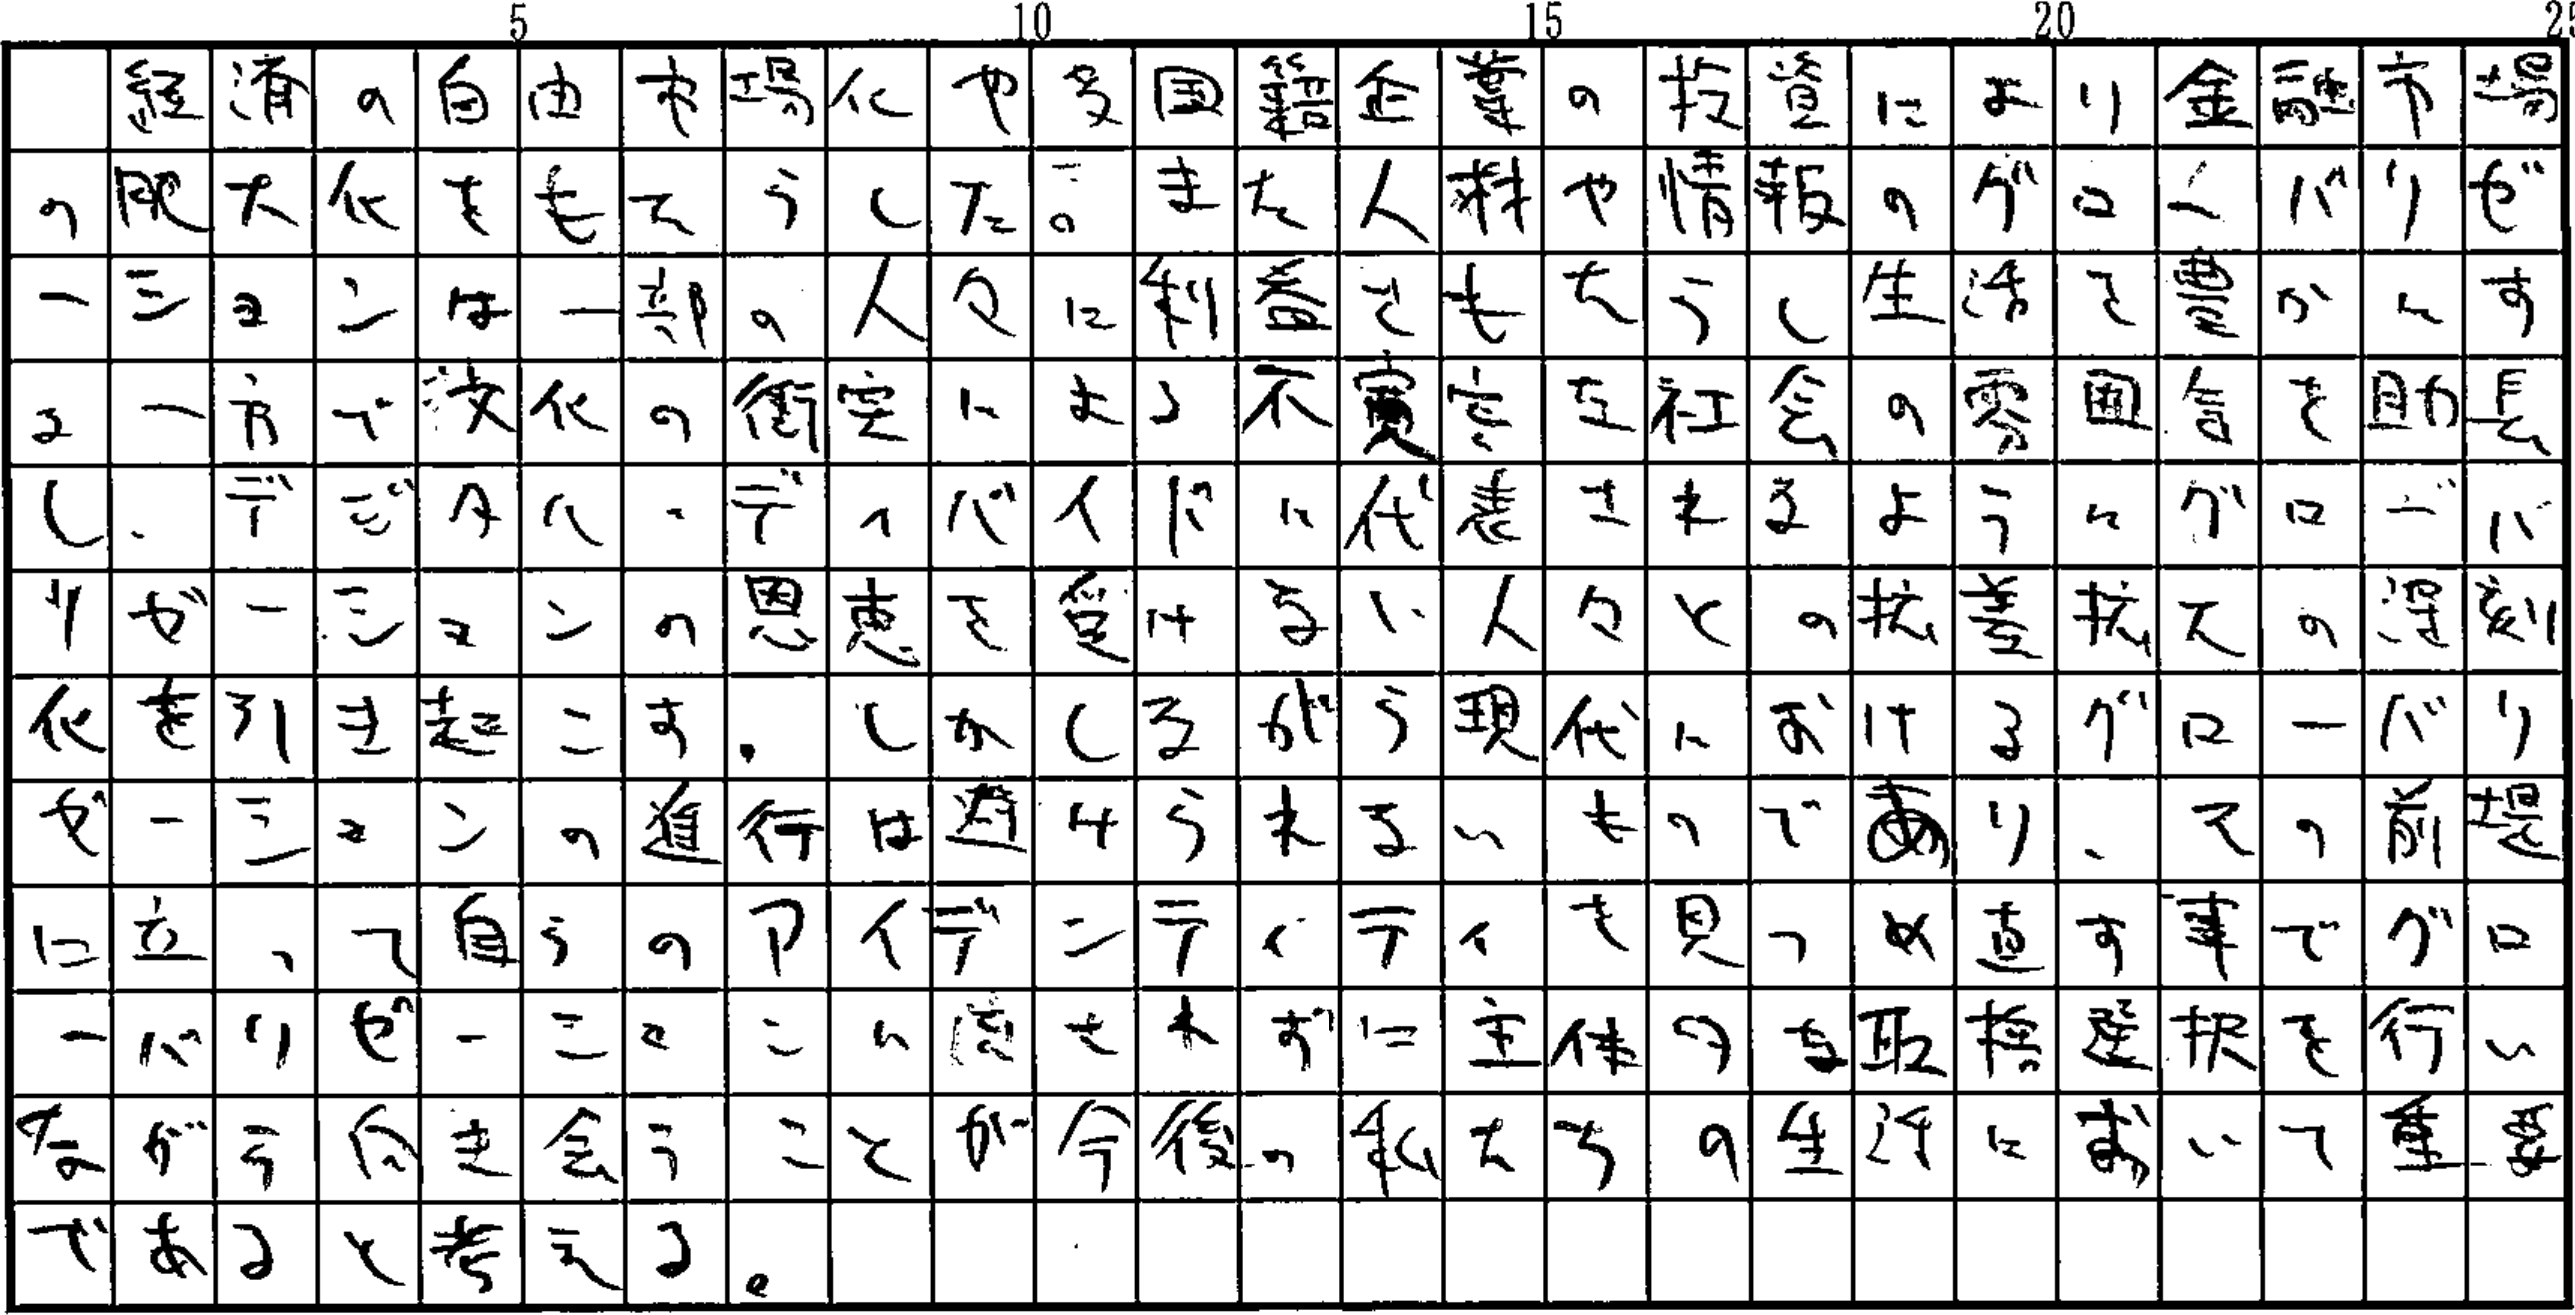　経済の自由市場化や多国籍企業の投資により金融市場の肥大化をもたらした。また人材や情報のグローバリゼーションは一部の人々に利益をもたらし生活を豊かにする一方で文化の衝突による不寛容な社会の雰囲気を助長し、デジタル・ディバイドに代表されるようにグローバリゼーションの恩恵を受けない人々との格差拡大の深刻化を引き起こす。しかしながら現代におけるグローバリゼーションの進行は避けられないものであり、その前提に立って自らのアイデンティティを見つめ直す事でグローバリゼーションに流されずに主体的な取捨選択を行いながら向き会うことが今後の私たちの生活において重要であると考える。
